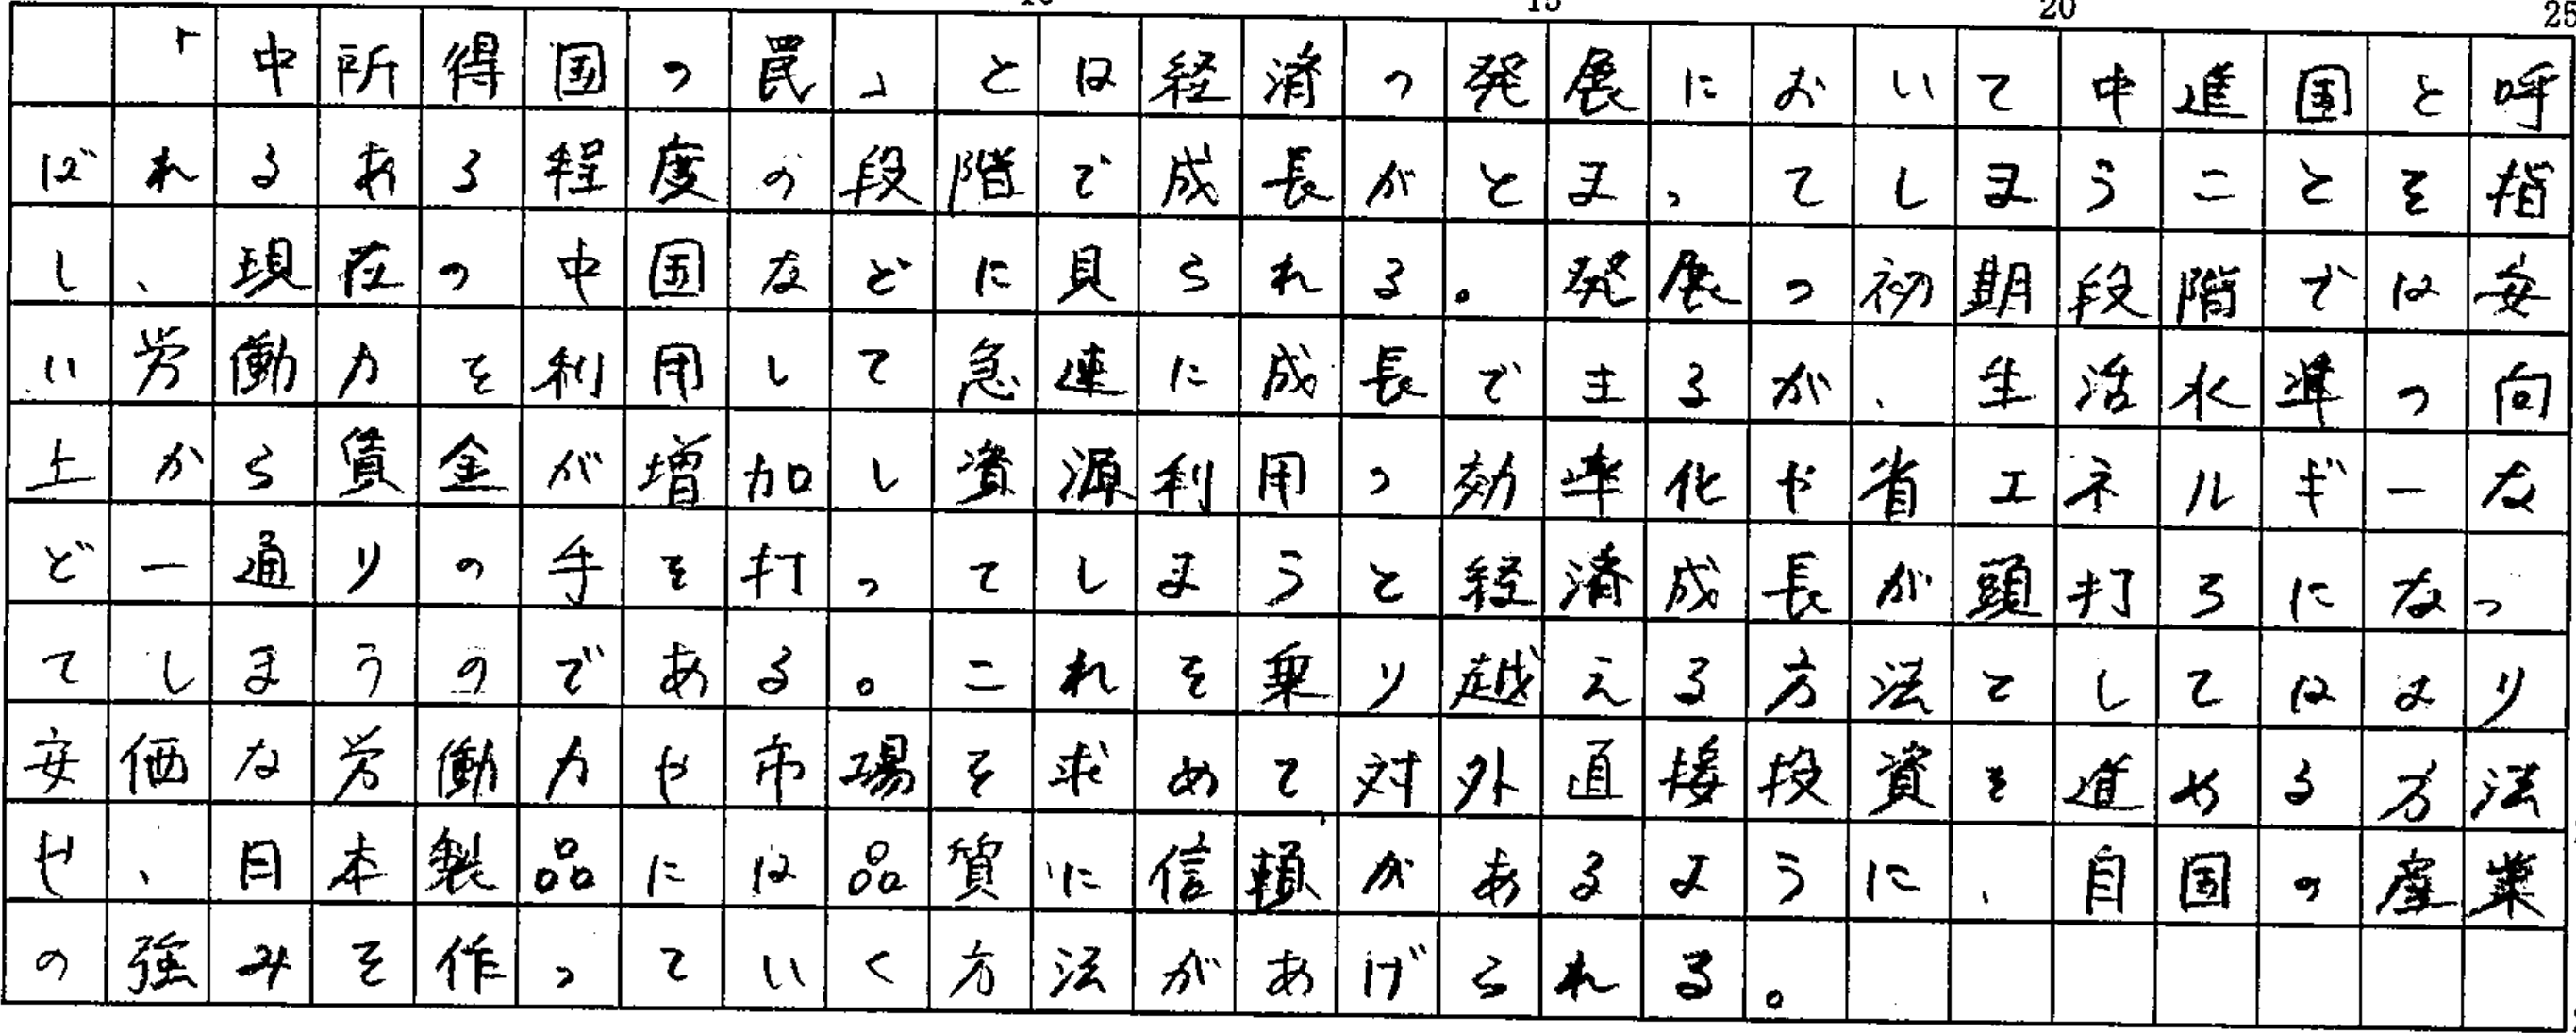　「中所得国の罠」とは経済の発展において中進国と呼ばれるある程度の段階で成長がとまってしまうことを指し、現在の中国などに見られる。発展の初期段階では安い労働力を利用して急速に成長できるが、生活水準の向上から賃金が増加し資源利用の効率化や省エネルギーなど一通りの手を打ってしまうと経済成長が頭打ちになってしまうのである。これを乗り越える方法としてはより安価な労働力や市場を求めて対外直接投資を進める方法や、日本製品には品質に信頼があるように、自国の産業の強みを作っていく方法があげられる。
